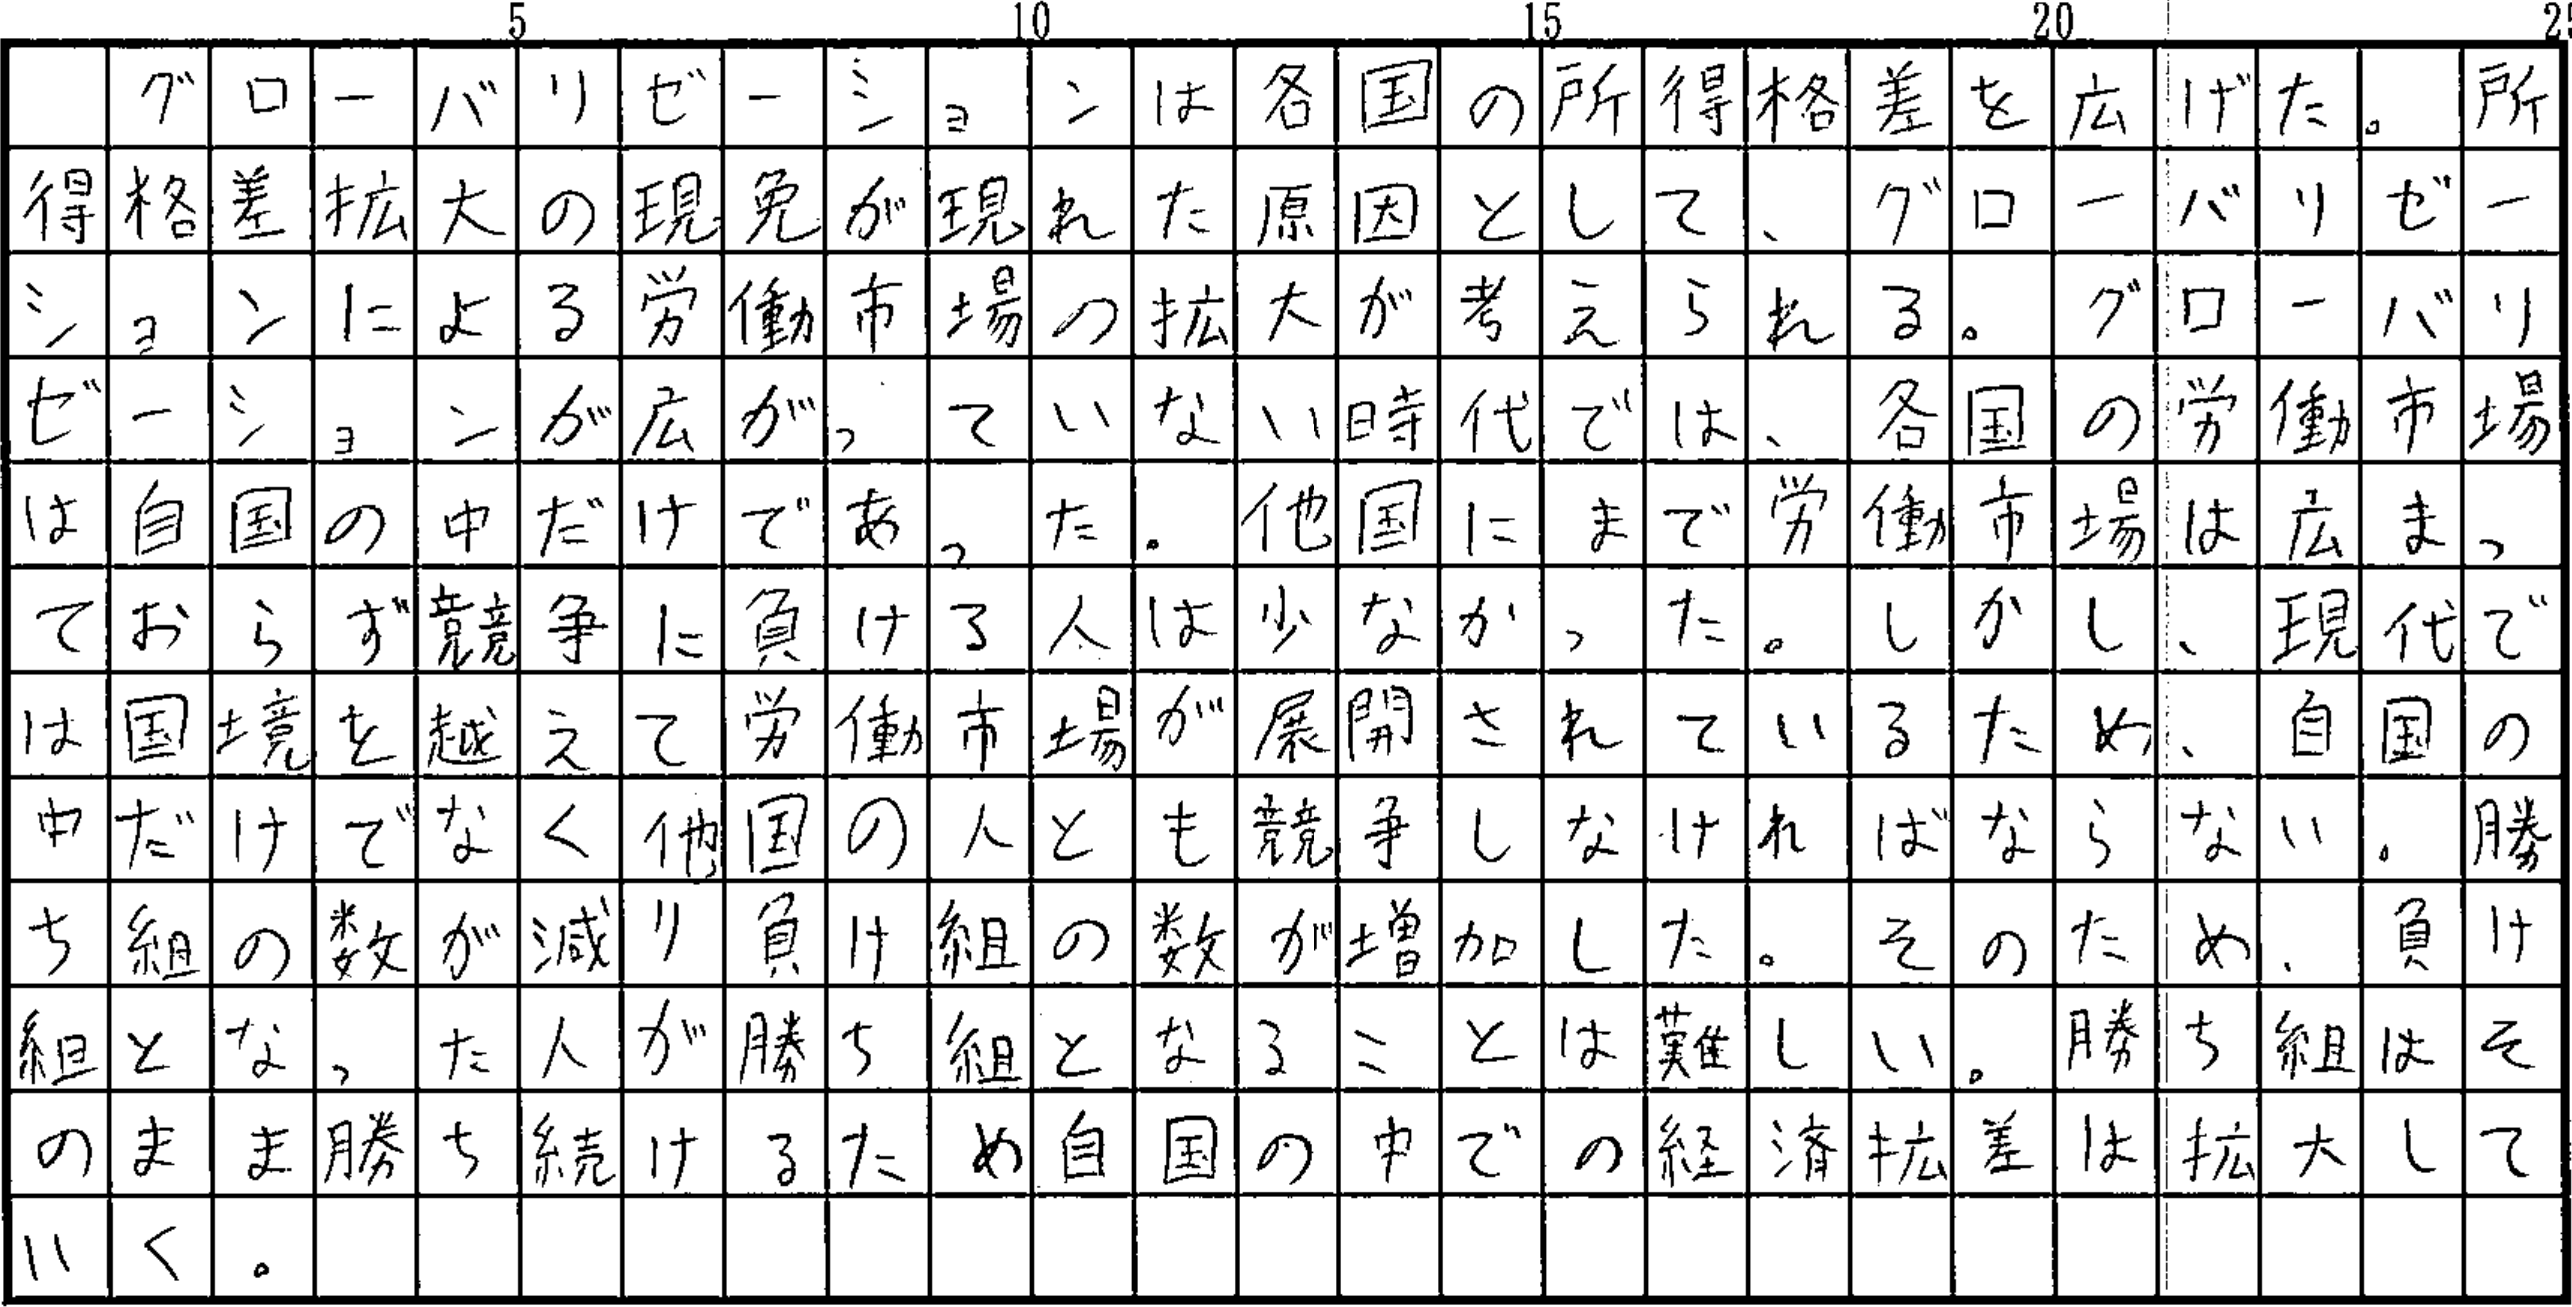　グローバリゼーションは各国の所得格差を広げた。所得格差拡大の現免が現れた原因として、グローバリゼーションによる労働市場の拡大が考えられる。グローバリゼーションが広がっていない時代では、各国の労働市場は自国の中だけであった。他国にまで労働市場は広まっておらず競争に負ける人は少なかった。しかし、現代では国境を越えて労働市場が▁開されているため、自国の中だけでなく他国の人とも競争しなければならない。勝ち組の数が減り負け組の数が増加した。そのため、負け組となった人が勝ち組となることは難しい。勝ち組はそのまま勝ち続けるため自国の中での経済拡差は拡大していく。
